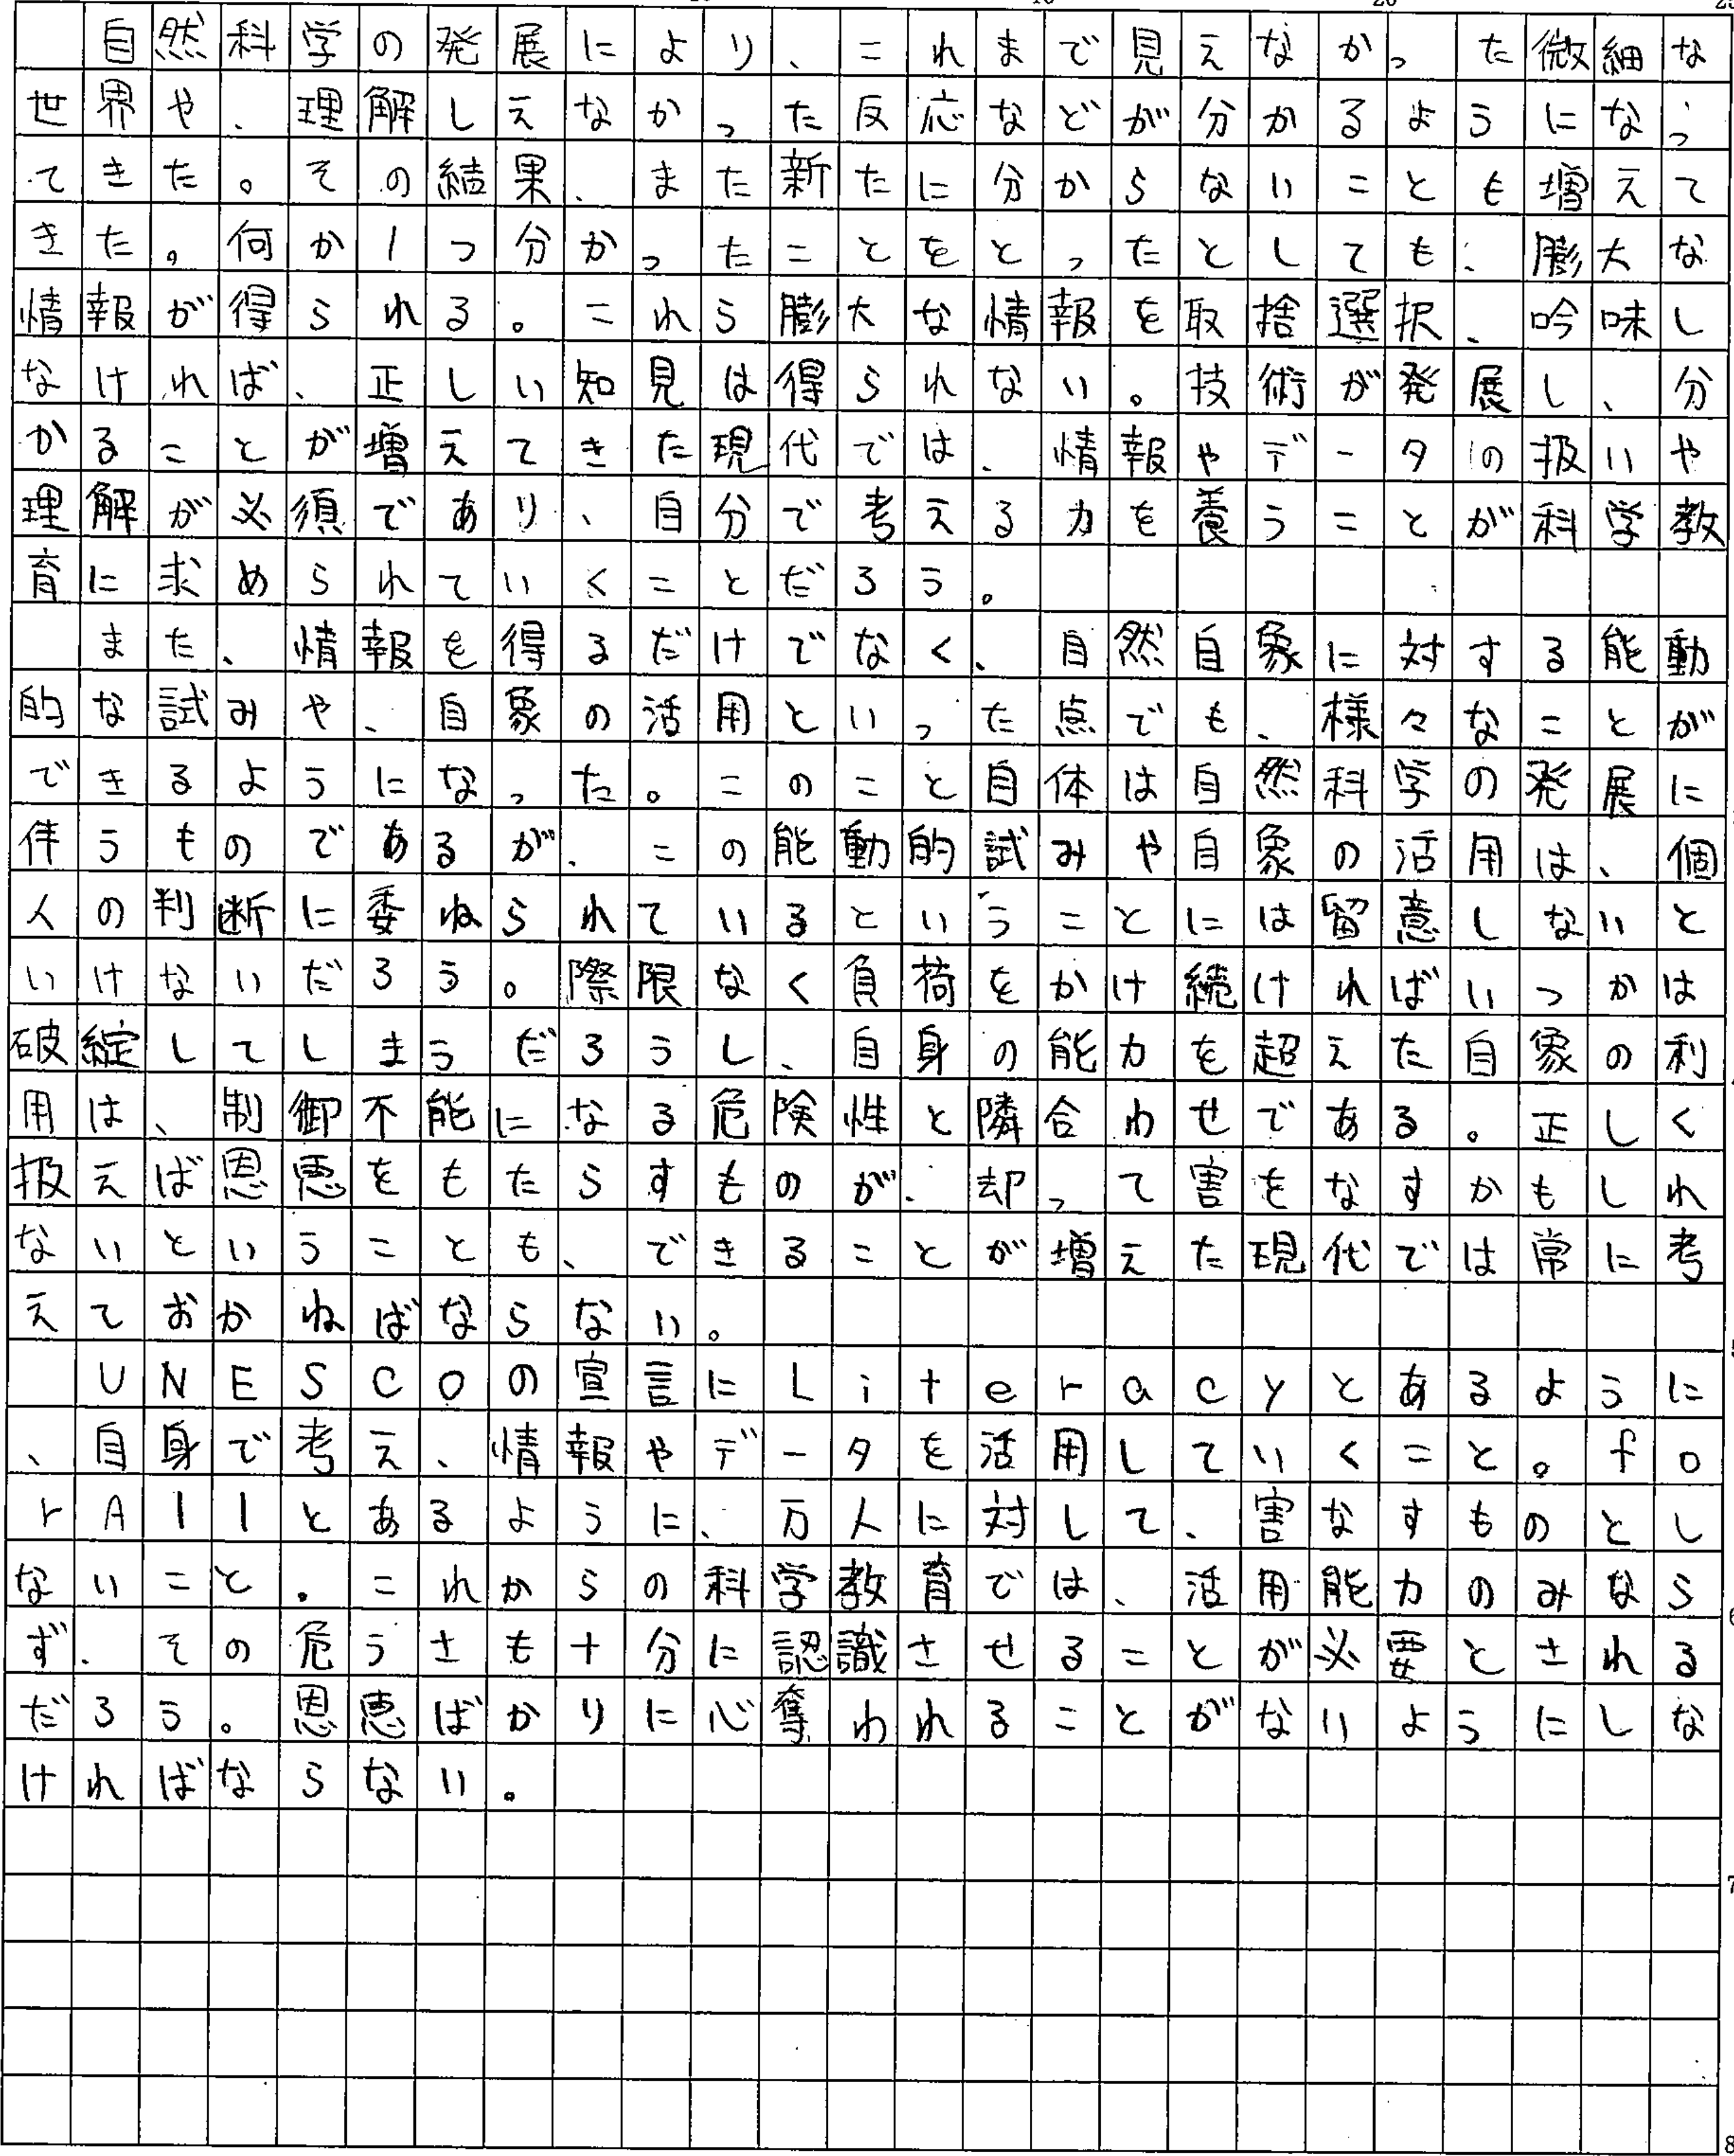　自然科学の発展により、これまで見えなかった微細な世界や、理解しえなかった反応などが分かるようになってきた。その結果、また新たに分からないことも増えてきた。何か１つ分かったことをとったとしても、膨大な情報が得られる。これら膨大な情報を取捨選択、吟味しなければ、正しい知見は得られない。技術が発展し、分かることが増えてきた現代では、情報やデータの扱いや理解が必須であり、自分で考える力を養うことが科学教育に求められていくことだろう。
　また、情報を得るだけでなく、自然自象に対する能動的な試みや、自象の活用といった点でも、様々なことができるようになった。このこと自体は自然科学の発展に伴うものであるが、この能動的試みや自象の活用は、個人の判断に委ねられているということには留意しないといけないだろう。際限なく負荷をかけ続ければいつかは破綻してしまうだろうし、自身の能力を超えた自象の利用は、制御不能になる危険性と隣合わせである。正しく扱えば恩恵をもたらすものが、却って害をなすかもしれないということも、できることが増えた現代では常に考えておかねばならない。
　ＵＮＥＳＣＯの宣言にＬｉｔｅｒａｃｙとあるように、自身で考え、情報やデータを活用していくこと。ｆｏｒＡｌｌとあるように、万人に対して、害なすものとしないこと。これからの科学教育では、活用能力のみならず、その危うさも十分に認識させることが必要とされるだろう。恩恵ばかりに心奪われることがないようにしなければならない。
